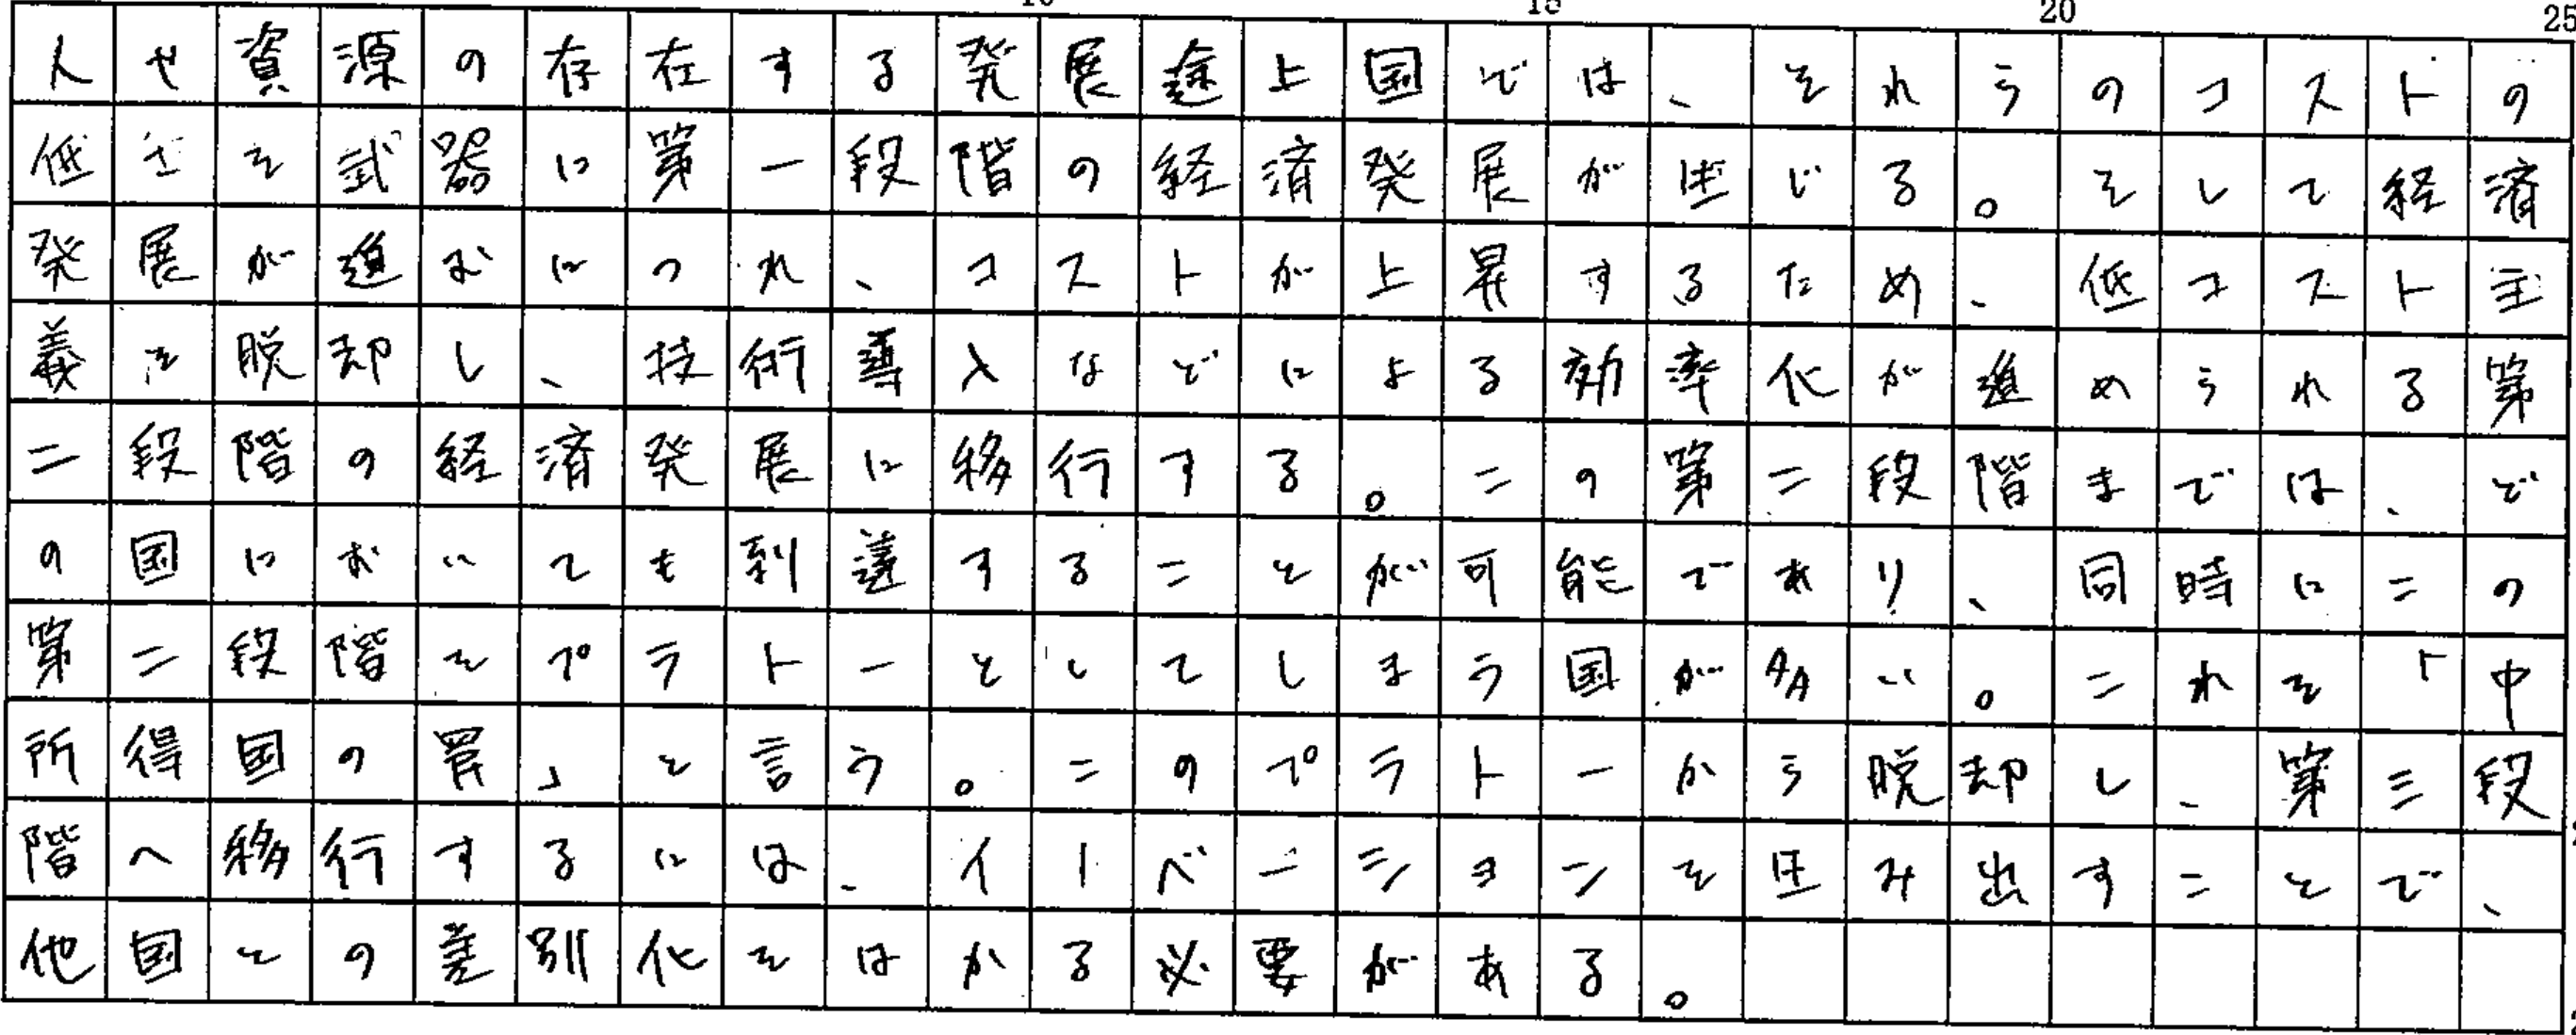人や資源の存在する発展途上国では、それらのコストの低さを武器に第一段階の経済発展が生じる。そして経済発展が進むにつれ、コストが上昇するため、低コスト主義を脱却し、技術導入などによる効率化が進められる第二段階の経済発展に移行する。この第二段階までは、どの国においても到達することが可能であり、同時にこの第二段階をプラトーとしてしまう国が多い。これを「中所得国の罠」と言う。このプラトーから脱却し、第三段階へ移行するには、イノベーションを生み出すことで、他国との差別化をはかる必要がある。
